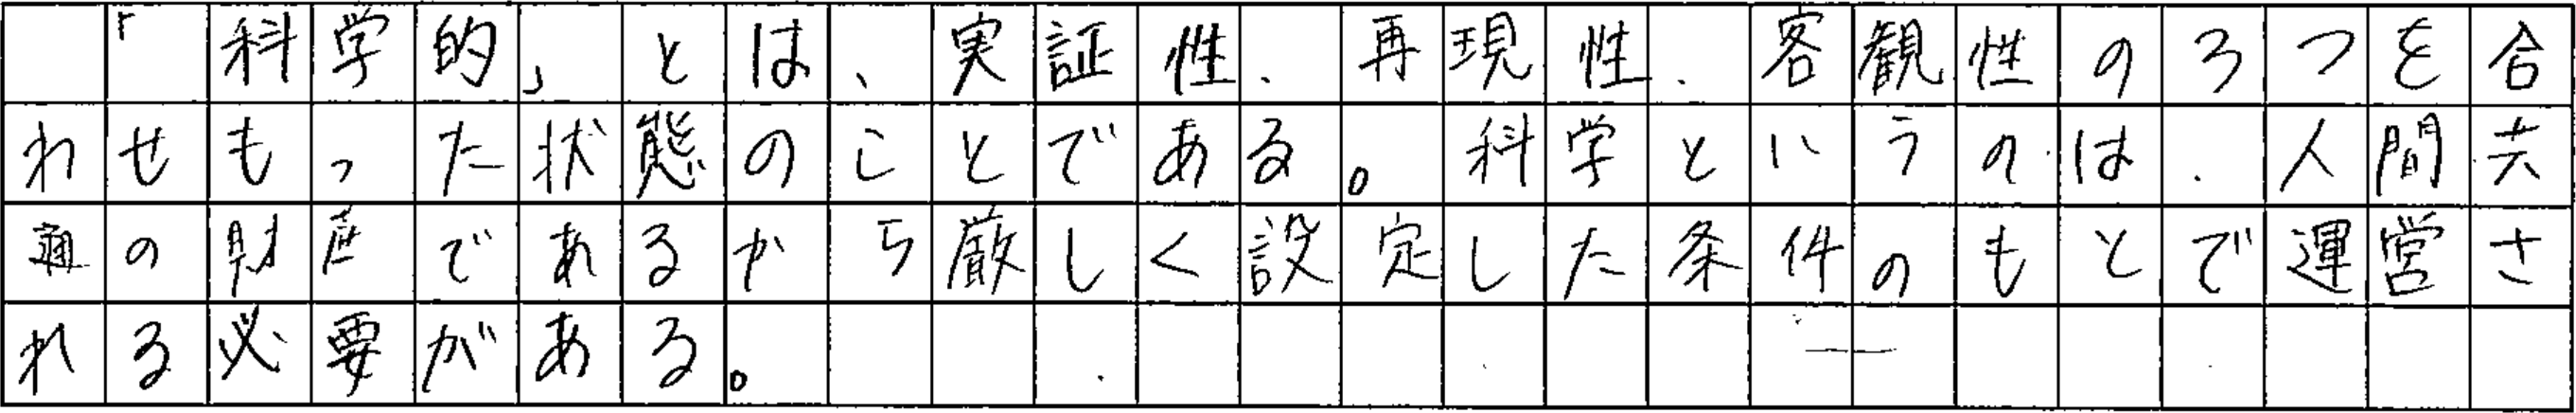　「科学的」とは、実証性、再現性、客観性の３つを合わせもった状態のことである。科学というのは、人間共通の財産であるから厳しく設定した条件のもとで運営される必要がある。
